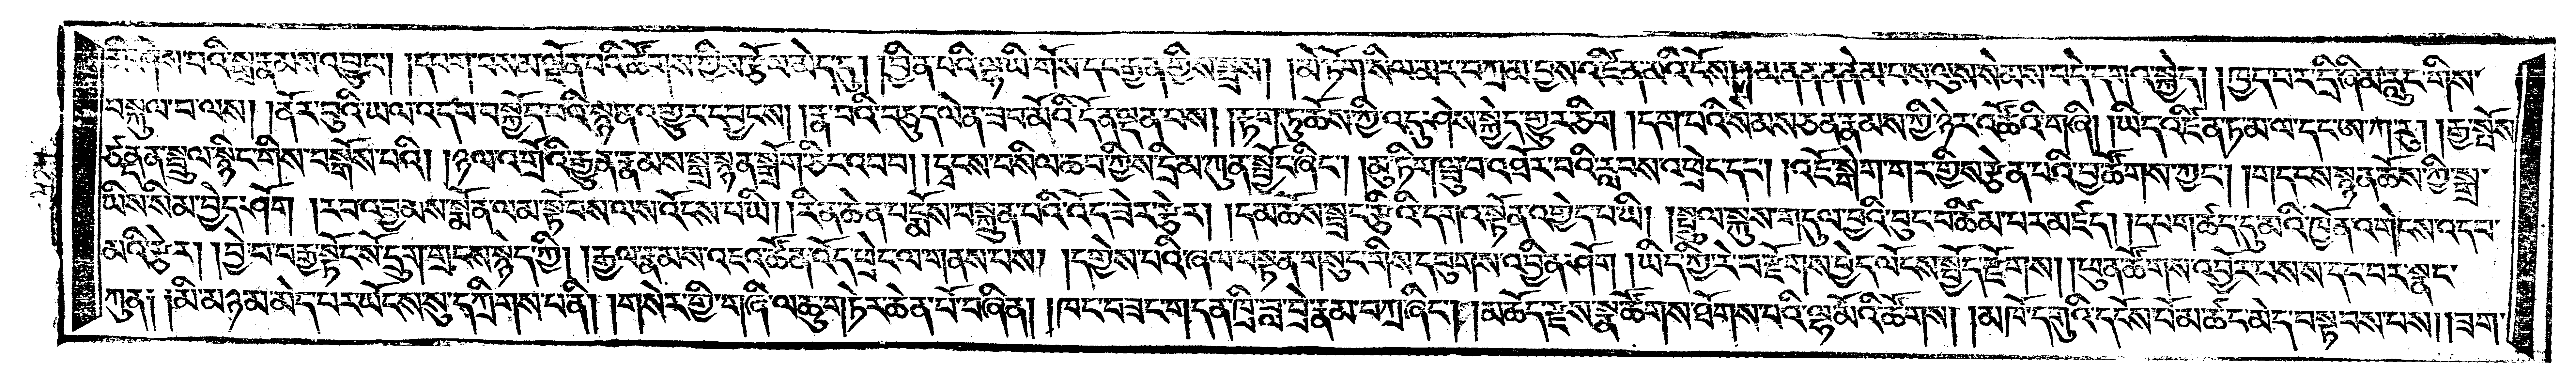མི་ཤེས་པའི་སྒྲ་རྣམས་འབྱུང་། །དཔག་བསམ་ལྗོན་པའི་ཚོགས་ཀྱིས་རྩོལ་མེད་དུ། །བྱིན་པའི་ལྷ་ཡི་གོས་དང་རྒྱན་གྱིས་སྤྲས། །མེ་ཏོག་སིལ་མར་བཀྲམ་བྱས་འཛིན་མའི་ངོས། །མནན་ན་ནེམ་པས་ལུས་སེམས་བདེ་དགའ་སྐྱེད། །ཁྱད་པར་དྲི་ཞིམ་རླུང་གིས་
བསྐུལ་བ་ལས། །ནོར་བུའི་ཡལ་འདབ་བསྐྱོད་པའི་སྙན་འགྱུར་དབྱངས། །རྣ་བའི་བཅུད་ལེན་ཟབ་མོའི་དོན་ལྡན་པས། །རྟག་ཏུ་ཆོས་ཀྱི་འདུ་ཤེས་སྐྱེད་གྱུར་ཅིག །དག་པའི་སེམས་ཅན་རྣམས་ཀྱི་ཉེར་འཚོའི་གཞི། །ཡིད་འཛིན་ཏ་མ་ལ་དང་ཨ་ཀ་རུ། །རྒྱ་སྤོས་
ཙནྡན་སྤྲུལ་སྙིང་གིས་བསྒོས་པའི། །ཉལ་འགྲོའི་རྒྱུན་རྣམས་སྒྲ་སྙན་སྒྲོག་ཅིང་འབབ། །དྭངས་བསིལ་ཆབ་ཀྱིས་དྲི་མ་ཀུན་སྦྱོང་ཞིང་། །མུ་ཏིག་ཝུ་བ་འཐོར་བའི་རླབས་འཕྲེང་དང་། འཇོ་སྒེག་གར་གྱིས་རྩེན་པའི་བྱ་ཚོགས་ཀྱང་། །གདངས་སྙན་ཆོས་ཀྱི་སྒྲ་
ཡིས་སིམ་བྱེད་ཤོག །རབ་འབྱམས་སྨོན་ལམ་སྟོབས་ལས་འོངས་པ་ཡི། །རིན་ཆེན་པདམོས་བསྐྲུན་པའི་འོད་ཟེར་རྩེར། །དམ་ཆོས་སྦྲང་རྩིའི་དགའ་སྟོན་འགྱེད་པ་ཡི། །སྤྲུལ་སྐུས་གདུལ་བྱའི་བུང་བ་ཚིམ་པར་མཛད། །དཔག་ཚད་དུ་མའི་ཁྱོན་འགེངས་བ་དང་
མའི་རྩེར། །ཕྱེ་བ་བརྒྱ་སྟོང་སོ་དྲུག་གྲངས་སྙེད་ཀྱི། །རྒྱལ་རྣམས་འཇའ་ཚོན་འོད་ཕྲེང་ལ་གནས་པས། །དགྱེས་པའི་ཞལ་བསྟན་གསུང་གིས་དབུགས་འབྱིན་ཤོག །ཡིད་ཀྱི་རེ་བ་རྫོགས་བྱེད་ལོངས་སྤྱོད་རྫོགས། །ཕུན་ཚོགས་འབྱོར་བས་ས་དང་བར་སྣང་
ཀུན༑ ༑མི་མཉམ་མེད་པར་ཡོངས་སུ་དཀྲིགས་པ་ནི། །གསེར་གྱི་གཞི་ལ་ཆུ་གཏེར་ཆེན་པོ་བཞིན། །ཁང་བཟང་གདན་ཁྲི་བླ་བྲེ་རྣམ་བཀྲ་ཞིང་། །མཆོད་རྫས་སྣ་ཚོགས་ཐོགས་བའི་ལྷ་མོའི་ཚོགས། །མཁོ་དགུའི་དངོས་པོ་མ་ཚང་མེད་བསྟབས་པས། །ཟག་